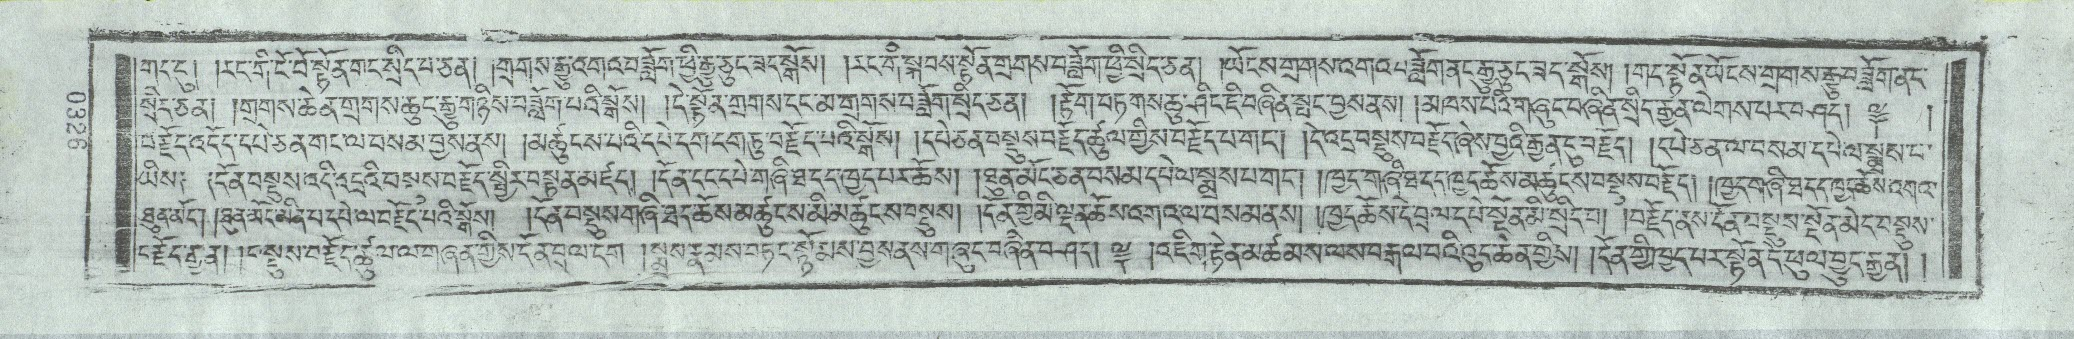གང་དུ། །རང་གི་ངོ་བོ་སྟོན་གང་སྲིང་པ་ཅན། །གྲགས་རྒྱུ་འགའ་བཟློག་ཕྱི་རྒྱུ་ཅུང་ཟད་སྒོས། །རང་གི་སྐབས་སྟོན་གྲགས་བཟློག་ཕྱི་སྲིད་ཅན། །ཡོངས་གྲགས་འགའ་བཟློག་ནང་རྒྱུ་ཅུང་ཟད་སྒོས། །གང་སྟོན་ཡོངས་གྲགས་རྒྱུ་བཟློབ་ནང་
སྲིང་ཅན། །གྲགས་ཆེན་གྲགས་ཆུང་རྒྱུ་གཉིས་བཟློག་པའི་སྒོས། །དེ་སྟོན་གྲགས་དང་མ་གྲགས་བཟློག་སྲིད་ཅན། །རྟོག་བཏགས་ཆུ་ཤིག་ཇི་བཞིན་སྤང་བྱས་ནས། །མཁས་པའི་གཞུང་བཞིན་སྲིད་རྒྱན་ལེགས་པར་བཤད། ༈ །
བརྗོད་འདོད་དཔེ་ཅན་གང་ལ་བསམ་བྱས་ནས། །མཚུངས་པའི་དཔེ་དག་དག་ཏུ་བརྗོད་པའི་སྒོས། །དཔེ་ཅན་བསྡུས་བརྗོད་ཚུལ་གྱིས་བརྗོད་པ་གང་། །དེ་འདྲ་བརྗོད་ཞེས་བྱའི་རྒྱན་དུ་བརྗོད། །དཔེ་ཅན་ལ་བསམ་དཔེ་ལ་སྨྲས་པ་
ཡིས། །དོན་བསྡུས་འདི་འདྲའི་བསྡུས་བརྗོད་སྦྱིན་བསྟན་མཛད། །དོན་དང་དཔེ་གཞི་ཐ་དད་ཁྱད་པར་ཆོས། །ཐུན་མོང་ཅན་བསམ་དཔེ་ལ་སྨྲས་པ་གང་། །ཁྱད་གཞི་ཐ་དད་ཁྱད་ཆོས་མཚུངས་བསྡུས་བརྗོད། །ཁྱད་གཞི་ཐ་དད་ཁྱད་ཆོས་འགའ་
ཐུན་མོང་། །ཐུན་མོང་མིན་པ་དཔེ་ལ་བརྗོད་པའི་སྒོས། །དོན་བསྡུས་གཞི་ཐད་ཆོས་མཚུངས་མི་མཚུངས་བསྡུས། །དོན་གྱི་མི་ལྡན་ཆོས་འགའ་ལ་བསམ་ནས། །ཁྱད་ཆོས་དབྲལ་དཔེ་སྔོན་མི་སྲིང་པ། །བརྗོད་ནས་དོན་བསྡུས་སྔོན་མེད་བསྡུས་
བརྗོད་རྒྱན། །བསྡུས་བརྗོད་ཚུལ་ལ་གཞན་གྱིས་དོན་བྲལ་དག །སྨྲས་རྣམས་བཏང་སྙོམས་བྱས་ནས་གཞུང་བཞིན་བཤད། ༈ །འཇིག་རྟེན་མཚམས་ལས་བརྒལ་བའི་བུད་ཆེན་གྱིས། །དོན་གྱི་ཁྱད་པར་སྟོན་དེ་ཕུལ་བྱུང་རྒྱན། །